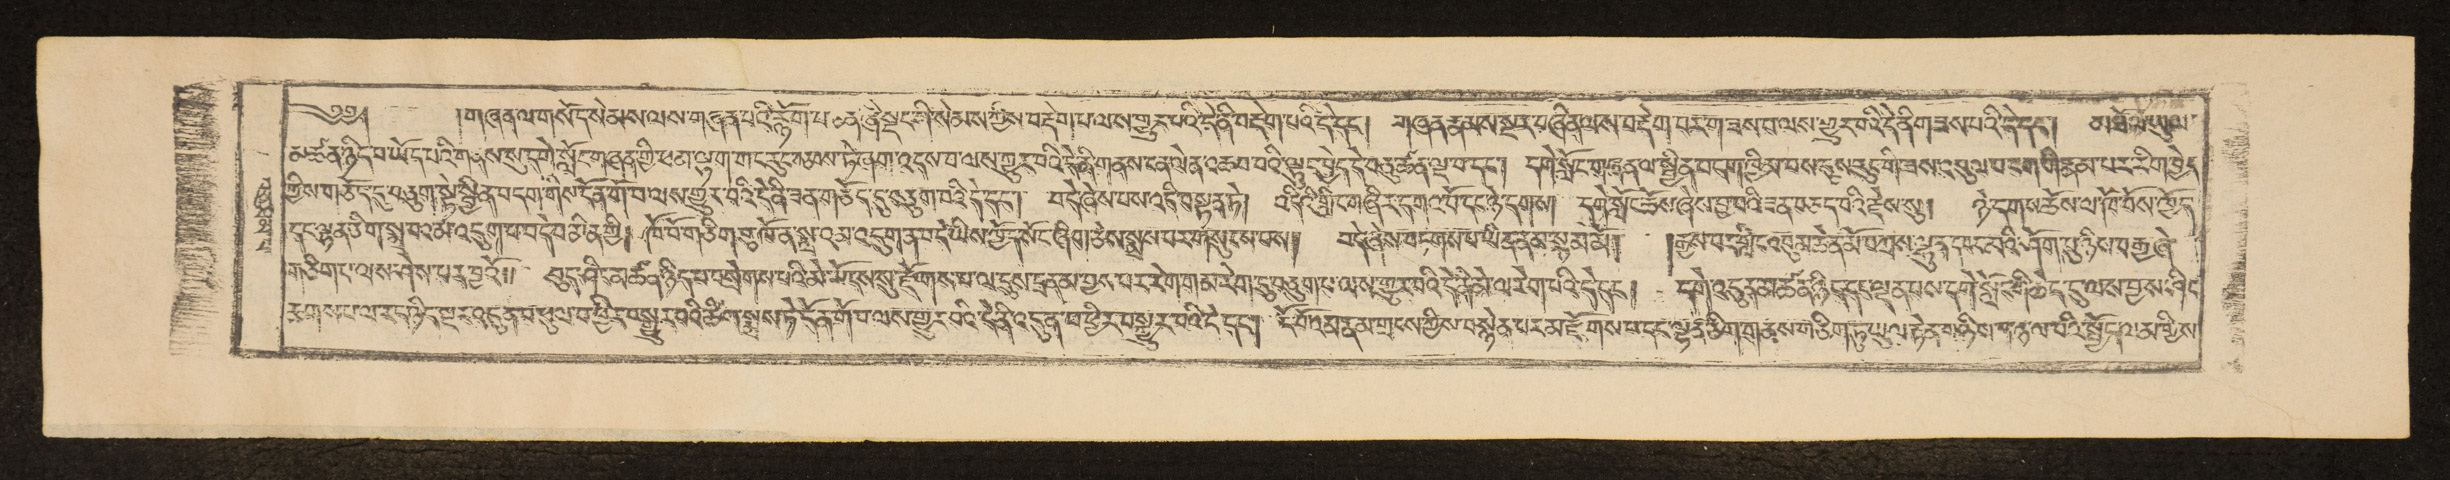༄༅། །གཞན་ལ་གསོད་སེམས་ལས་གཞན་པའི་རྙོག་པ་ཅན་ཞེ་སྡང་གི་སེམས་ཀྱིས་བརྡེགས་པ་ལས་གྱུར་བའི་དེ་ནི་བརྡེག་པའི་དེ་དང་། གཞན་རྣམས་སྔར་བཞིན་ལས་བརྡེག་པར་གཟས་པ་ལས་གྱུར་བའི་དེ་ནི་གཟས་པའི་དེ་དང་། མཐོལ་ཡུལ་
མཚན་ཉིད་པ་ཡོད་པའི་གནས་སུ་དགེ་སློང་གཞན་གྱི་ཕམ་ལྷག་གང་རུང་བཅབས་ཏེ་ཞག་འདས་པ་ལས་གྱུར་བའི་དེ་ནི་གནས་ངན་ལེན་འཆབ་པའི་ལྟུང་བྱེད་དེ་བཅུ་ཚན་ལྡན་བ་དང་། དགེ་སློང་གཞན་ལ་སྦྱིན་བདག་ཁྱིམ་པས་དུས་རུང་གི་ཟས་འབུལ་བ་ངག་གི་རྣམ་པར་རིག་བྱེད་
ཀྱིས་གཅོད་དུ་བཅུག་སྟེ་སྦྱིན་བདག་གིས་དོན་གོ་བ་ལས་གྱུར་བའི་དེ་ནི་ཟན་གཅོད་དུ་བཅུག་པའི་དེ་དང་། བདེ་ཞེས་པས་འདི་བསྟན་ཏེ། འདིའི་གླིང་གཞིར་དགའ་བོ་དང་ཉེ་དགས། དགེ་སློང་ཆོས་ཞེས་བྱ་བའི་ཟན་བཅད་པའི་རྗེས་སུ། ཉེ་དགས་ཆོས་ལ་ཁོ་བོས་ཁྱོད་
དང་ལྷན་ཅིག་སྨྲ་བའམ་འདུག་པ་བདེ་བ་མིན་གྱི། ཁོ་བོ་གཅིག་པུ་ཁོ་ན་སྐྲའམ་འདུག་ན་བདེ་ཡིས་ཁྱོད་སོང་ཞིག་ཅེས་སྨྲས་པར་གསུངས་པས། བདེ་ཞེས་བཏགས་པ་ཡིན་ནམ་སྙམ་མོ། །རྒྱས་པར་གླིང་འབུམ་ཆེན་མོ་བཀྲས་ལྷུན་དབང་མའི་ཤོག་པུ་ཉིས་བརྒྱ་ཞེ་
གཅིག་པ་ལས་ཤེས་པར་བྱའོ།། བུད་ཤིང་མཚན་ཉིད་པ་བསྲེགས་པའི་མེ་ལོངས་སུ་རྫོགས་པ་ལ་དུས་དྲན་མ་བྱས་པར་རེག་གམ་རེག་དུ་བཅུག་པ་ལས་གྱུར་བའི་དེ་ནི་མེ་ལ་རེག་པའི་དེ་དང་། དགེ་འདུན་མཚན་ཉིད་དང་ལྡན་པས་དགེ་སློང་གི་ཆེད་དུ་ལས་བྱས་ཤིང་
ཆགས་པ་ལ་རང་ཉིད་སྔར་འདུན་པ་ཕུལ་བ་ཕྱིར་བསྒྱུར་བའི་ཚིག་སྨྲས་ཏེ་དོན་གོ་བ་ལས་གྱུར་བའི་དེ་ནི་འདུན་པ་ཕྱིར་བསྒྱུར་བའི་དེ་དང་། ངོ་བོའམ་རྣམ་གྲངས་ཀྱིས་བསྙེན་པར་མ་རྫོགས་པ་དང་ལྷན་ཅིག་གནས་གཅིག་ཏུ་ཡུལ་རྟེན་གཉིས་གཉལ་བའི་སྤྱོད་ལམ་གྱིས་